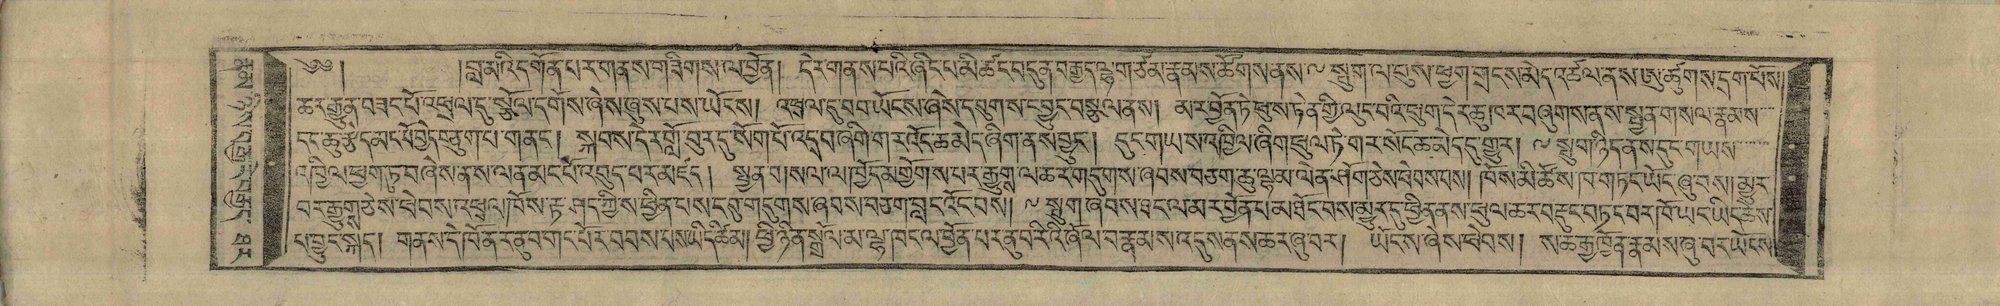༄༅། །བླ་མའི་དགོན་པར་གནས་གཟིགས་ལ་བྱོན། དེར་གནས་པའི་ཞིང་པ་མི་ཚང་བདུན་བརྒྱད་ལྷག་ཙམ་རྣམས་ཚོགས་ནས་༧སྤུག་ལ་པུས་ཕྱག་གྲངས་མེད་འཚལ་ནས་ཨུ་ཚུགས་དྲག་པོས་
ཆར་རྒྱུན་བཟང་པོ་འཕྲལ་དུ་སྩོལ་དགོས་ཞེས་ཞུས་པས་ཡོངས། འཕྲལ་དུ་བབ་ཡོངས་ཞེས་དབུགས་དབྱུང་བསྩལ་ནས། མར་བྱོན་ཏེ་ཕུ་ས་ཏེན་གྱི་ལུང་བའི་ཕུག་དེར་ཆུ་ཁར་བཞུགས་ནས་སྤྱན་གསལ་རྣམས་
དང་ཆུ་རྩེད་མང་པོ་བྱེད་བཅུག་པ་གནང་། སྐབས་དེར་གློ་བུར་དུ་སོག་པོ་འདྲ་བ་ཞིག་གར་འོང་ཆ་མེད་ཞིག་ནས་བྱུང་། དུང་གཡས་འཁྱིལ་ཞིག་ཕུལ་ཏེ་གར་སོང་ཆ་མེད་དུ་གྱུར། ༧སྤུག་ཉིད་ནས་དུང་གཡས་
འཁྱིལ་ཕྱག་ཏུ་བཞེས་ནས་ལན་མང་པོ་འབུད་པར་མཛད། སྤྱན་གསལ་ལ་ཁྱོད་མགྱོགས་པར་རྒྱུགས་ལ་ཆར་གདུགས་ཞབས་བཅག་ཆུ་ལྷམ་ལེན་ཤོག་ཅེས་ཕེབས་པས། ཁོས་མི་ཚོས་ཁ་གཏང་ཡོང་ཞུ་བས། མྱུར་
བར་རྒྱུགས་ཅེས་ཕེབས་འཕྲལ་ཁོས་རྟ་ཤད་ཀྱི་ས་ཕྱིན་པས་དབུ་གདུགས་ཞབས་བཅག་བླང་འོང་བས། ༧སྤུག་ཞབས་ཐང་ལ་མར་བྱོན་པ་མཐོང་བས་མྱུར་དུ་ཕྱིན་ནས་ཕུལ་ཆར་བརྡུང་བཏང་བར་ཁོ་ཡང་ཡིད་ཆེས་
པ་བྱུང་སྐད། གནས་དེ་ཁོ་ནར་ནུབ་གང་པོར་བབས་པས་ཡིད་ཚིམ། ཕྱི་ཉིན་སྒྲོལ་མ་ལྷ་ཁང་ལ་བྱོན་པར་ནུབ་རིའི་ཞོལ་བ་རྣམས་འདུས་ནས་ཆར་ཞུ་བར། ཡོངས་ཞེས་ཕེབས། ས་ཆ་རྒྱ་ཁྱོན་རྣམས་ཞུ་བར་ཡོངས་